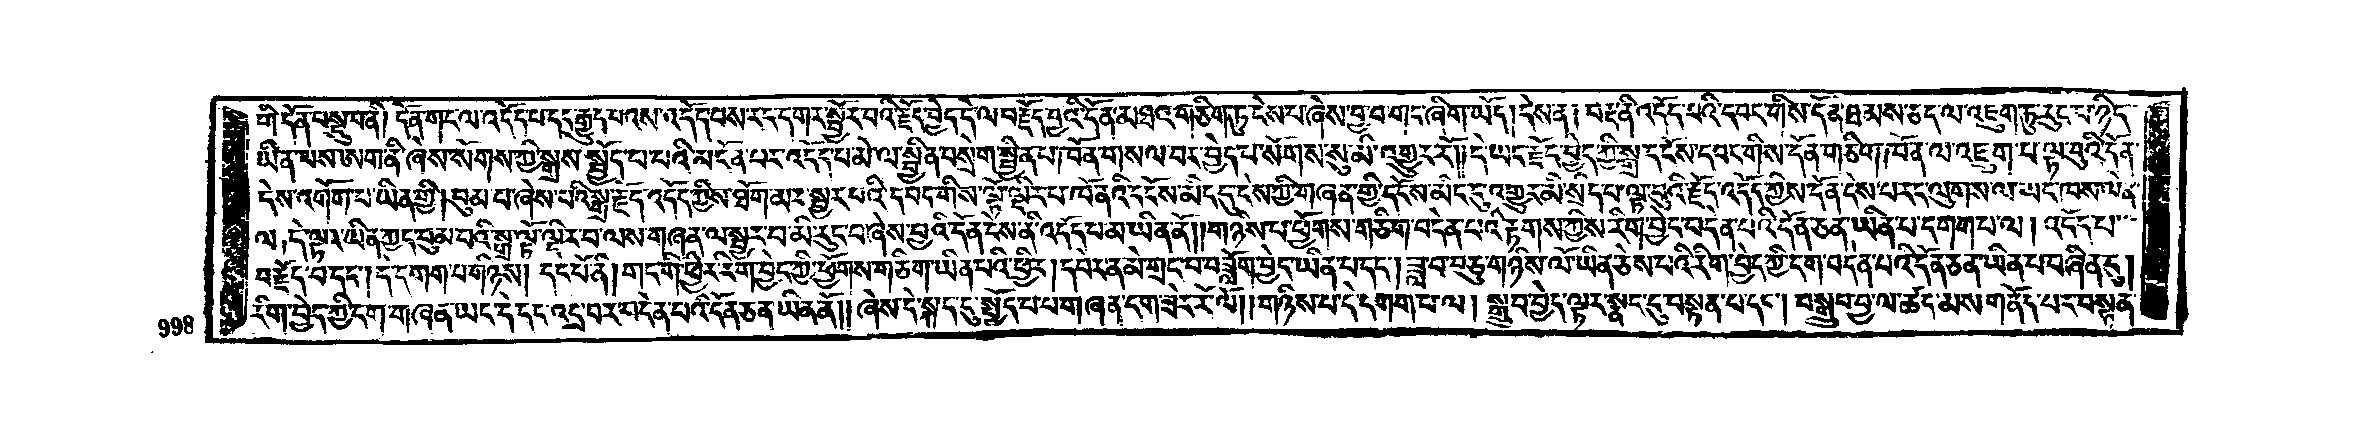གི་དོན་བསྡུ་བ་ནི། དོན་གང་ལ་འདོད་པ་དང་རྒྱུད་པའི་ས་འདོད་པས་རང་དགར་སྦྱོར་བའི་རྗོད་བྱེད་དེ་ལ་བརྗོད་བྱའི་དོན་མཐའ་གཅིག་ཏུ་ངེས་པ་ཞེས་བྱ་བ་གང་ཞིག་ཡོད། དེས་ན། བརྡ་ནི་འདོད་པའི་དབང་གིས་དོན་ཐམས་ཅད་ལ་འཇུག་ཏུ་རུང་པ་ཉིད་
ཡིན་པས་ཨག་ནི་ཞེས་སོགས་ཀྱི་སྒྲས་སྤྱོད་པ་པའི་མངོན་པར་འདོད་པ་མེ་ལ་སྦྱིན་པ་སྲེག་སྦྱིན་པ་ཁོ་ན་གསལ་བར་བྱེད་པ་སོགས་སུ་མི་འགྱུར་རོ། །དེ་ཡང་རྗོད་བྱེད་ཀྱི་སྒྲ་དངོས་དབང་གིས་དོན་གཅིག་ཁོ་ན་ལ་འཇུག་པ་ལྟ་བུའི་དོན་
དེས་འགོག་པ་ཡིན་གྱི། བུམ་པ་ཞེས་པའི་སྒྲ་རྗོད་འདོད་ཀྱིས་ཐོག་མར་སྦྱར་པའི་དབང་གིས་ལྟོ་ལྡིར་པ་ཁོ་ནའི་དངོས་མེད་དུ་ངེས་ཀྱི་གཞན་གྱི་དངོས་མིང་དུ་འགྱུར་མི་སྲིད་པ་ལྟ་བུའི་རྗོད་འདོད་ཀྱིས་དོན་ངེས་པ་རང་ལུགས་ལ་ཡང་ཁས་ལེན་
ལ། དེ་ལྟར་ཡིན་ཀྱང་བུམ་པའི་སྒྲ་ལྟོ་ལྡིར་བ་ལས་གཞན་ལ་སྦྱར་བ་མི་རུང་བ་ཞེས་བྱའི་དོན་ནི་འདོད་པ་མ་ཡིན་ནོ། །གཉིས་པ་ཕྱོགས་གཅིག་བདེན་པའི་རྟགས་ཀྱིས་རིག་བྱེད་བདེན་པའི་དོན་ཅན་ཡིན་པ་དགག་པ་ལ། འདོད་པ་
བརྗོད་པ་དང་། དེ་དགག་པ་གཉིས། དང་པོ་ནི། གང་གི་ཕྱིར་རིག་བྱེད་ཀྱི་ཕྱོགས་གཅིག་ཡིན་པའི་ཕྱིར། དཔེར་ན་མེ་གྲང་བ་བཟློག་བྱེད་ཡིན་པ་དང་། ཟླ་བ་བཅུ་གཉིས་ལོ་ཡིན་ཅེས་པའི་རིག་བྱེད་ཀྱི་དག་བདེན་པའི་དོན་ཅན་ཡིན་པ་བཞིན་དུ།
རིག་བྱེད་ཀྱི་དག་གཞན་ཡང་དེ་དང་འདྲ་བར་བདེན་པའི་དོན་ཅན་ཡིན་ནོ། །ཞེས་དེ་སྐད་དུ་སྤྱོད་པ་པ་གཞན་དག་ཟེར་རོ་ལོ། །གཉིས་པ་དེ་དགག་པ་ལ། སྒྲུབ་བྱེད་ལྟར་སྣང་དུ་བསྟན་པ་དང་། བསྒྲུབ་བྱ་ལ་ཚད་མས་གནོས་པར་བསྟན་